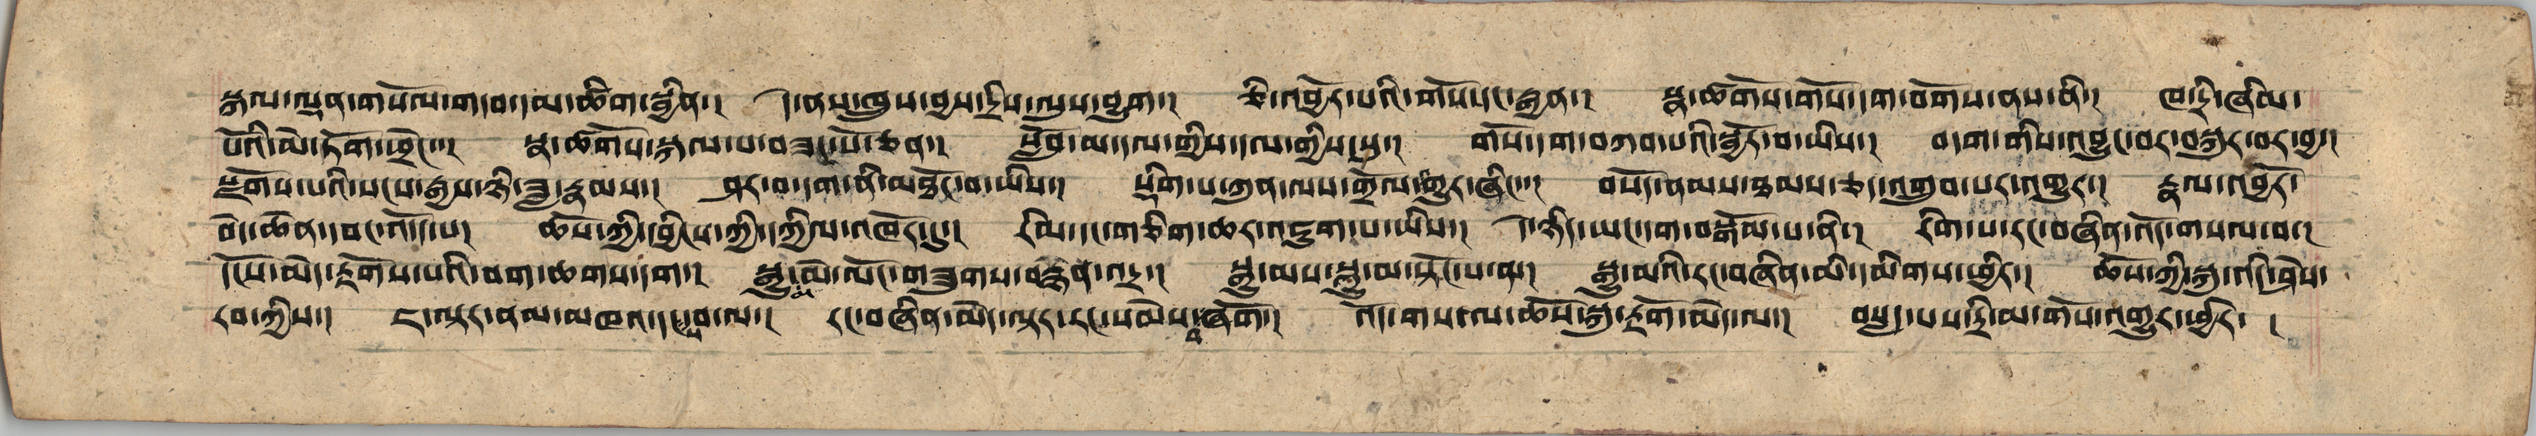སྐལ་ལྡན་གསོལ་གདབ་དམ་ཚིག་སྦྱིན་། དེ་ནས་ཁྲུས་བྱས་དྲིས་ལུས་བྱུག་། ཅི་འབྱོར་པའི་གོས་དང་རྒྱན་། སྣ་ཚོགས་གོས་དག་བགོས་ནས་ནི་། ཁ་དྲི་ཞིམ་
པོའི་མེ་ཏོག་ཕྲེང་་། སྣ་ཚོགས་སྐལ་པ་བཟང་པོ་ཅན་། སློབ་མ་དལ་གྱིས་དལ་གྱིས་སུ་། གསོ་དག་བཀབ་པའི་སྦྱོར་བ་ཡིས་། བདག་གིས་འབྱུང་བར་བསྐུར་བར་བྱ་།
སྫོགས་པའི་སངས་རྒྱས་ཉི་ཟླ་རྣམས་། ཤར་བ་དག་ནི་མཐོང་བ་ཡིས་། སྡིག་པ་ཀུན་ལས་གྲོལ་འགྱུར་ཞིང་་། བསོད་ནམས་ཐམས་ཅད་འགྲུབ་པར་འགྱུར་། རྣལ་འབྱོར་
བདེ་ཆེན་དབང་འདོད་པ། ཆོས་ཀྱི་དབྱིངས་ཀྱི་དཀྱིལ་འཁོར་དུ་། རིམ་དང་གཅིག་ཆར་འཇུག་པ་ཡིས་། དེ་ཉིད་ཡང་དག་བསྒོམ་པ་ནི་། རིག་པ་རང་བཞིན་འོད་གསལ་བ་།
དངོས་མེད་རྟོགས་པའི་བག་ཆགས་དག་། སྒྱུ་མ་མེ་ལོང་གཟུགས་བརྙེན་འདྲ་། སྒྱུ་མས་སྒྱུ་མ་སྟོང་པ་ན་། སྒྱུ་མའི་རང་བཞིན་མི་དམིགས་ཕྱིར་། ཆོས་ཀྱི་སྐུ་འདི་ཤེས་
རབ་ཀྱིས་། ཇ་ལྟར་ནམ་མཁའ་དང་ས་བ་ལ་། རང་བཞིན་མེད་ལྟར་རང་མེས་བཞོག་། འོད་གསལ་ཆོས་སྐུ་རྟོག་མེད་ལ་། བསླད་པས་དྲི་མ་གོས་འགྱུར་ཕྱིར་།